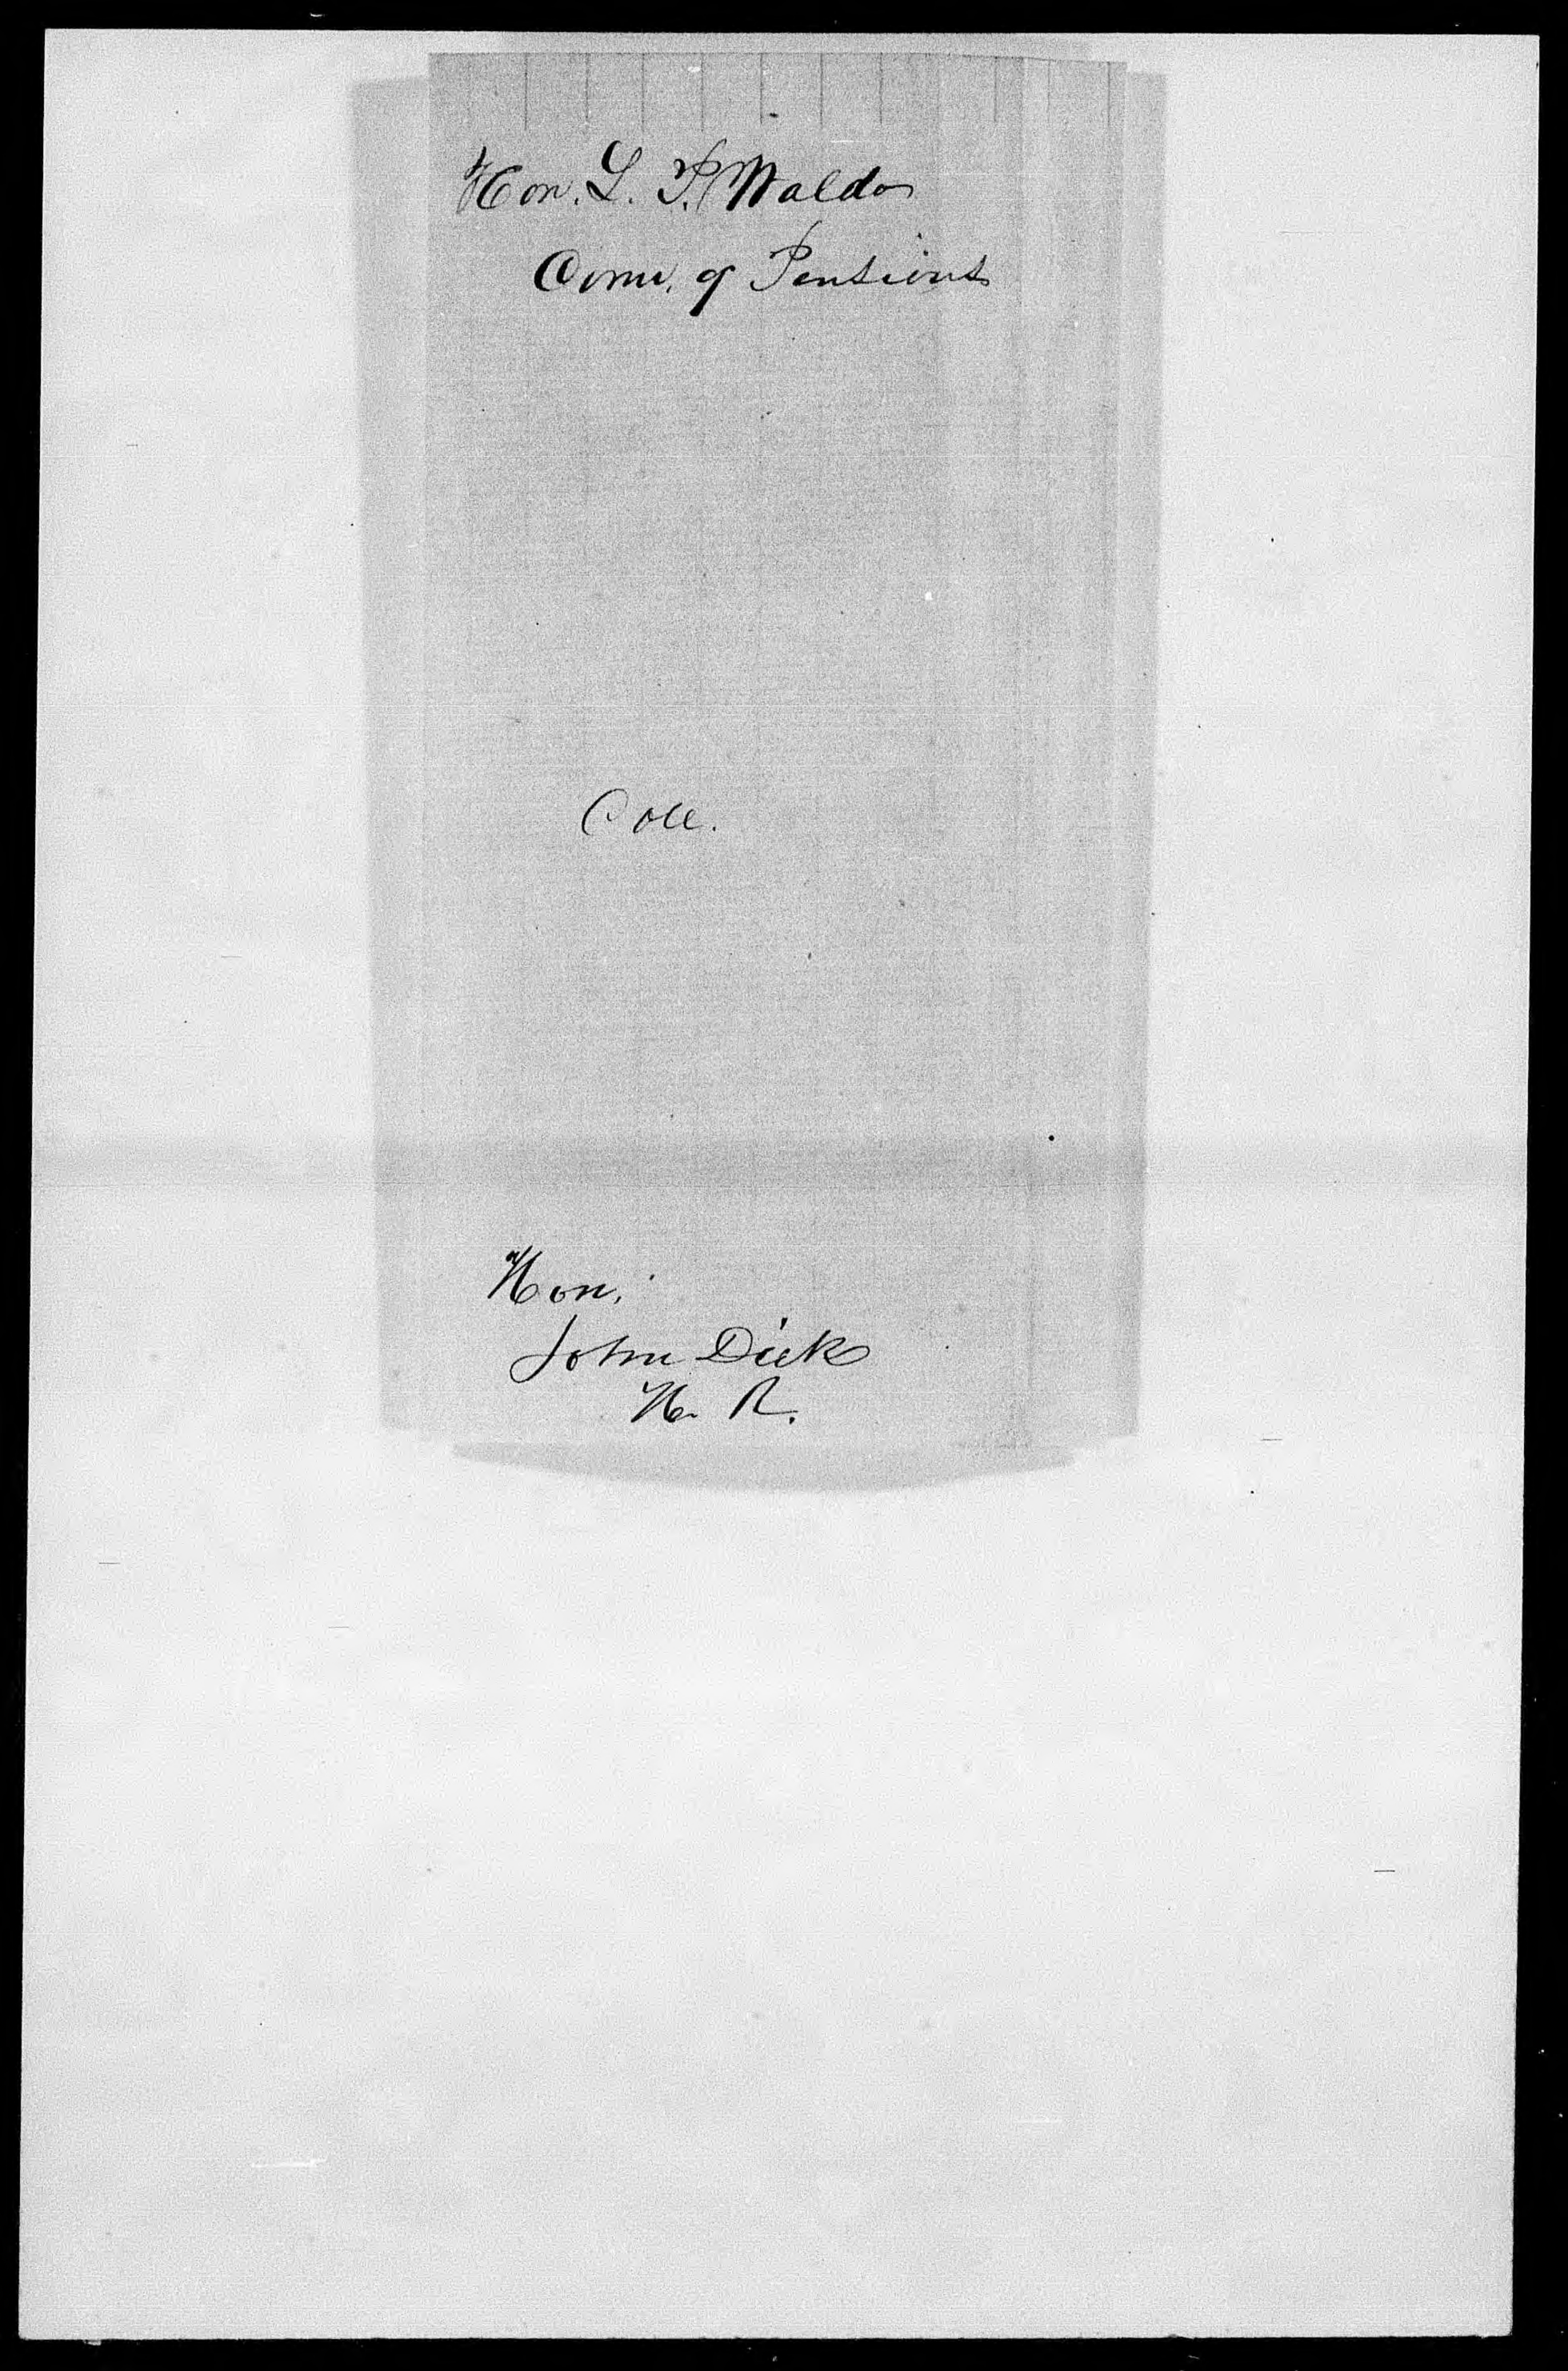of Con. L. P. Maldo
Com. of Pensions

Cole

Hon.
John Dick
H. R.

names: L P Waldo, John Dick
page: 32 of 63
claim: widow's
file: W. 3228, John Daly, Penn.